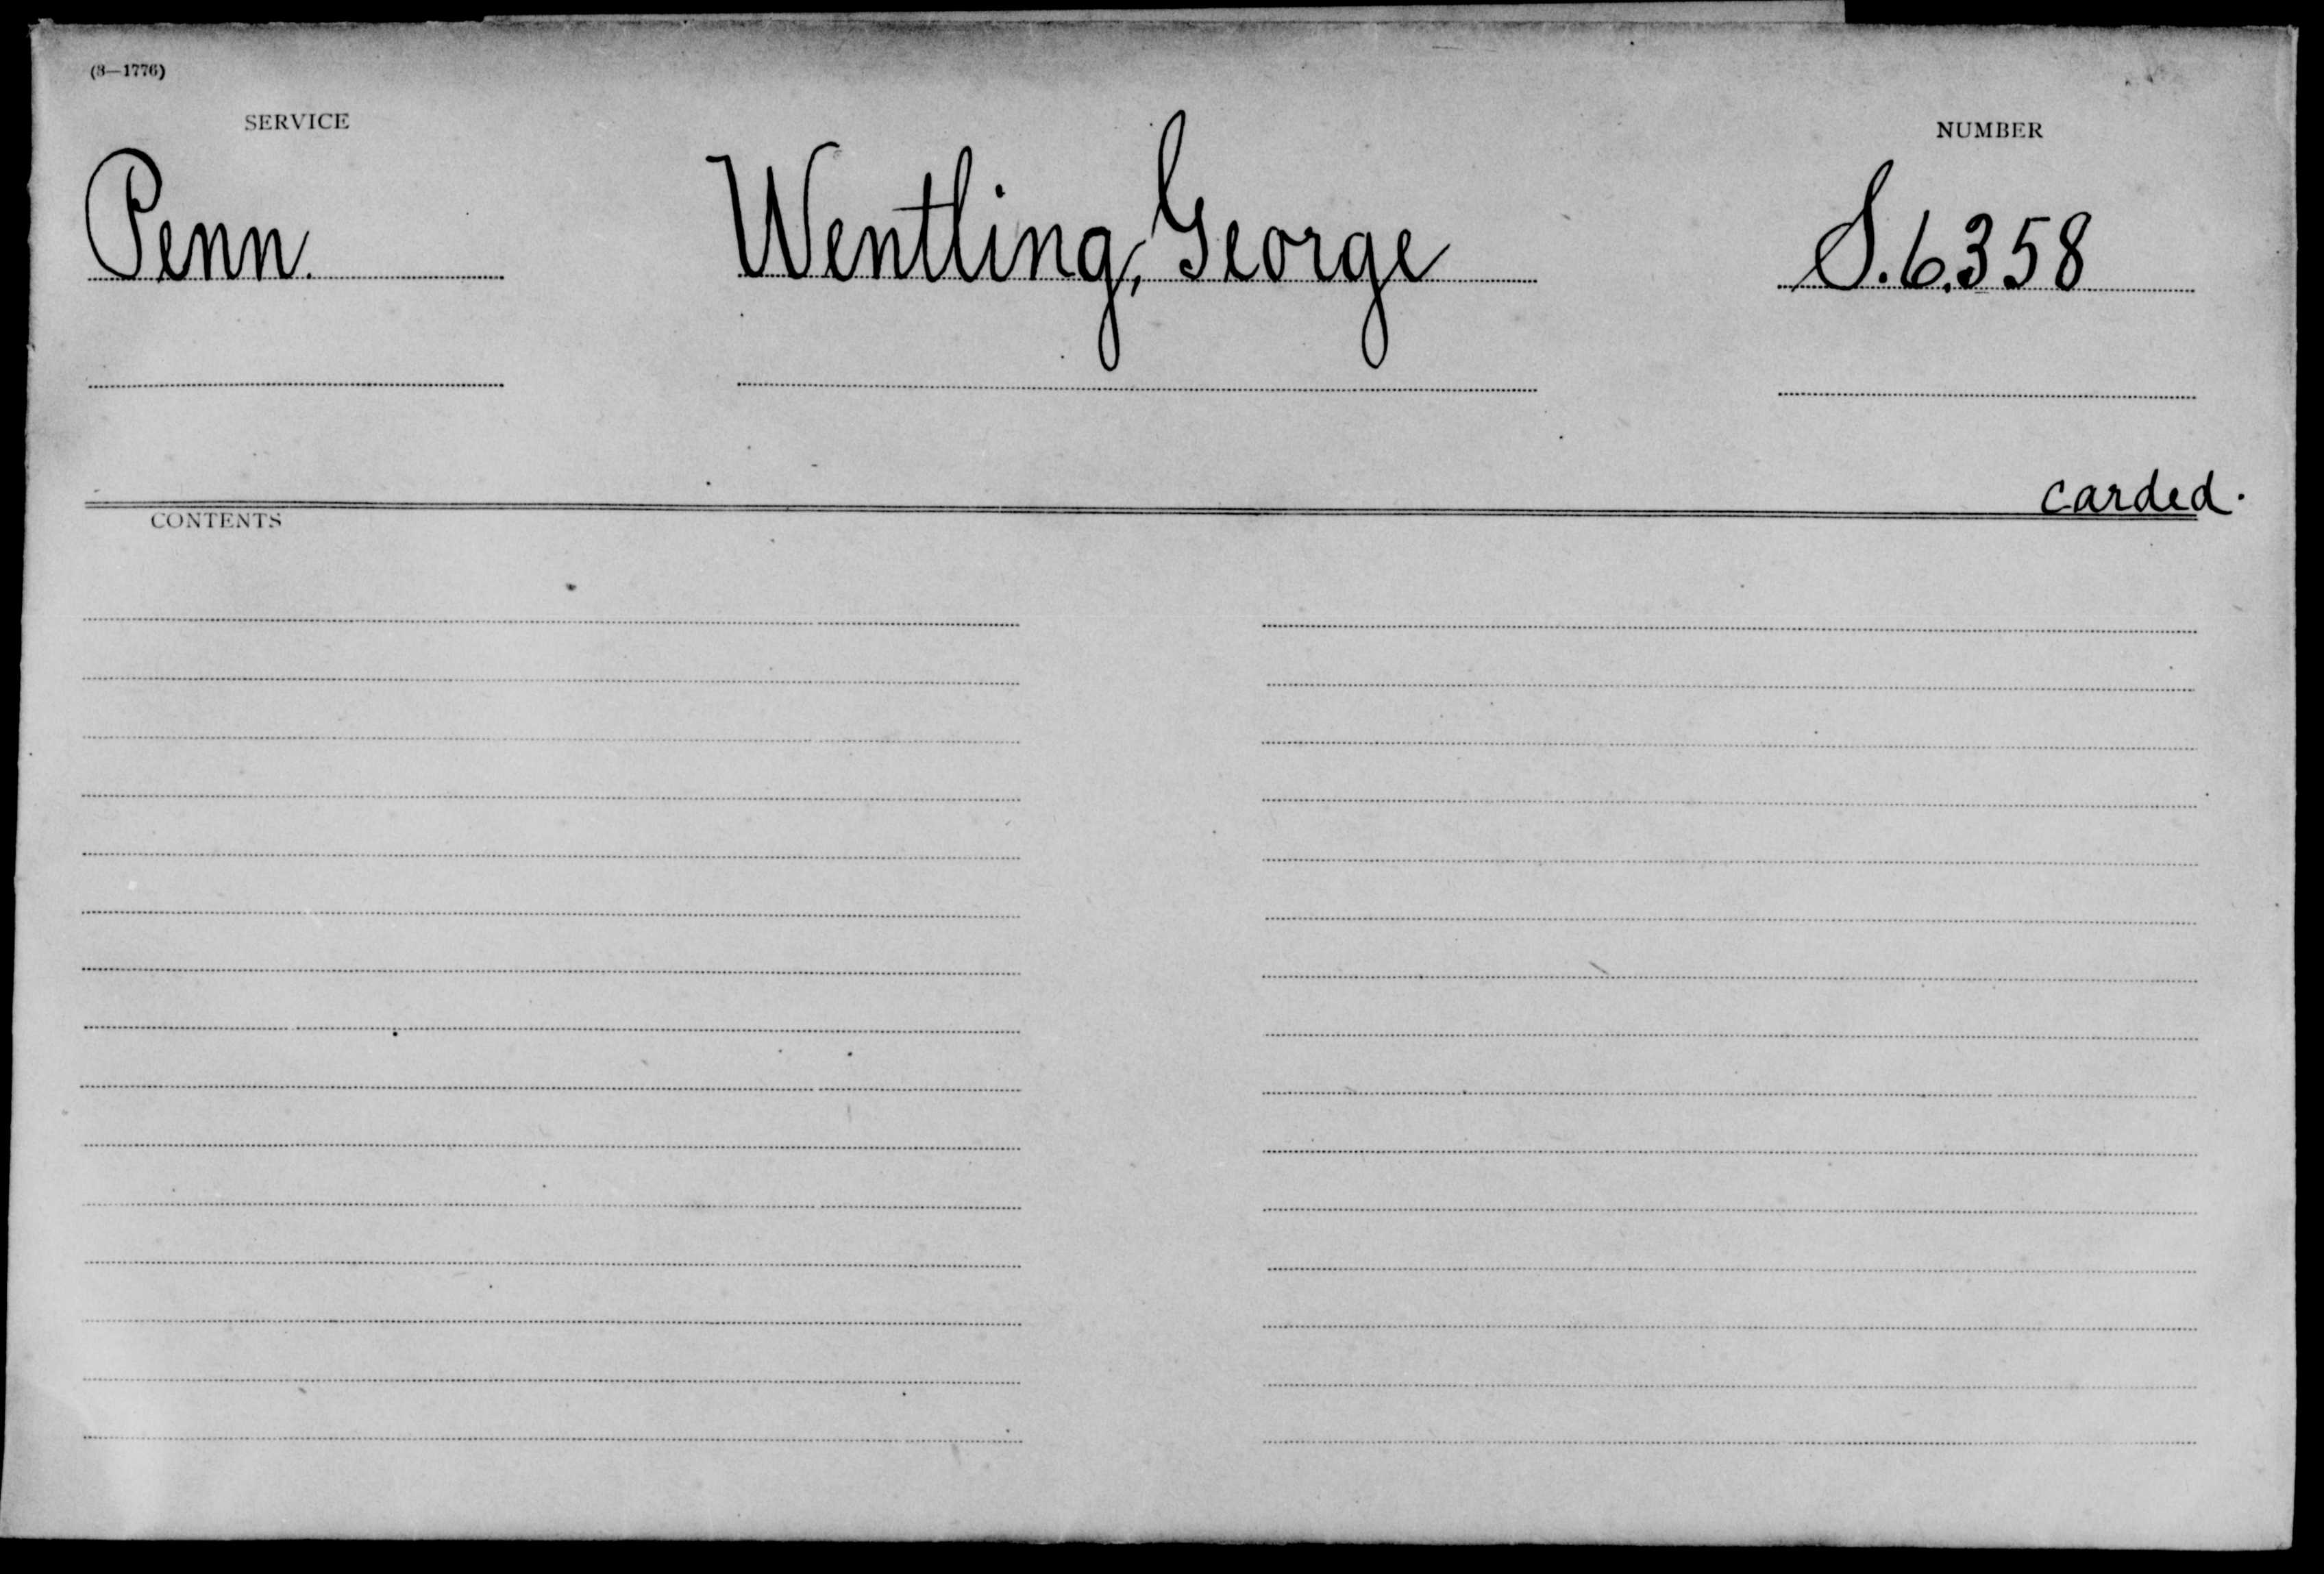(3-1776)

SERVICE                                              NUMBER
Penn            Wentling, George             S. 6358

                                                             Carded.
CONTENTS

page: 1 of 68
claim: survivor's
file: S. 6,358, George Wentling, Penn.